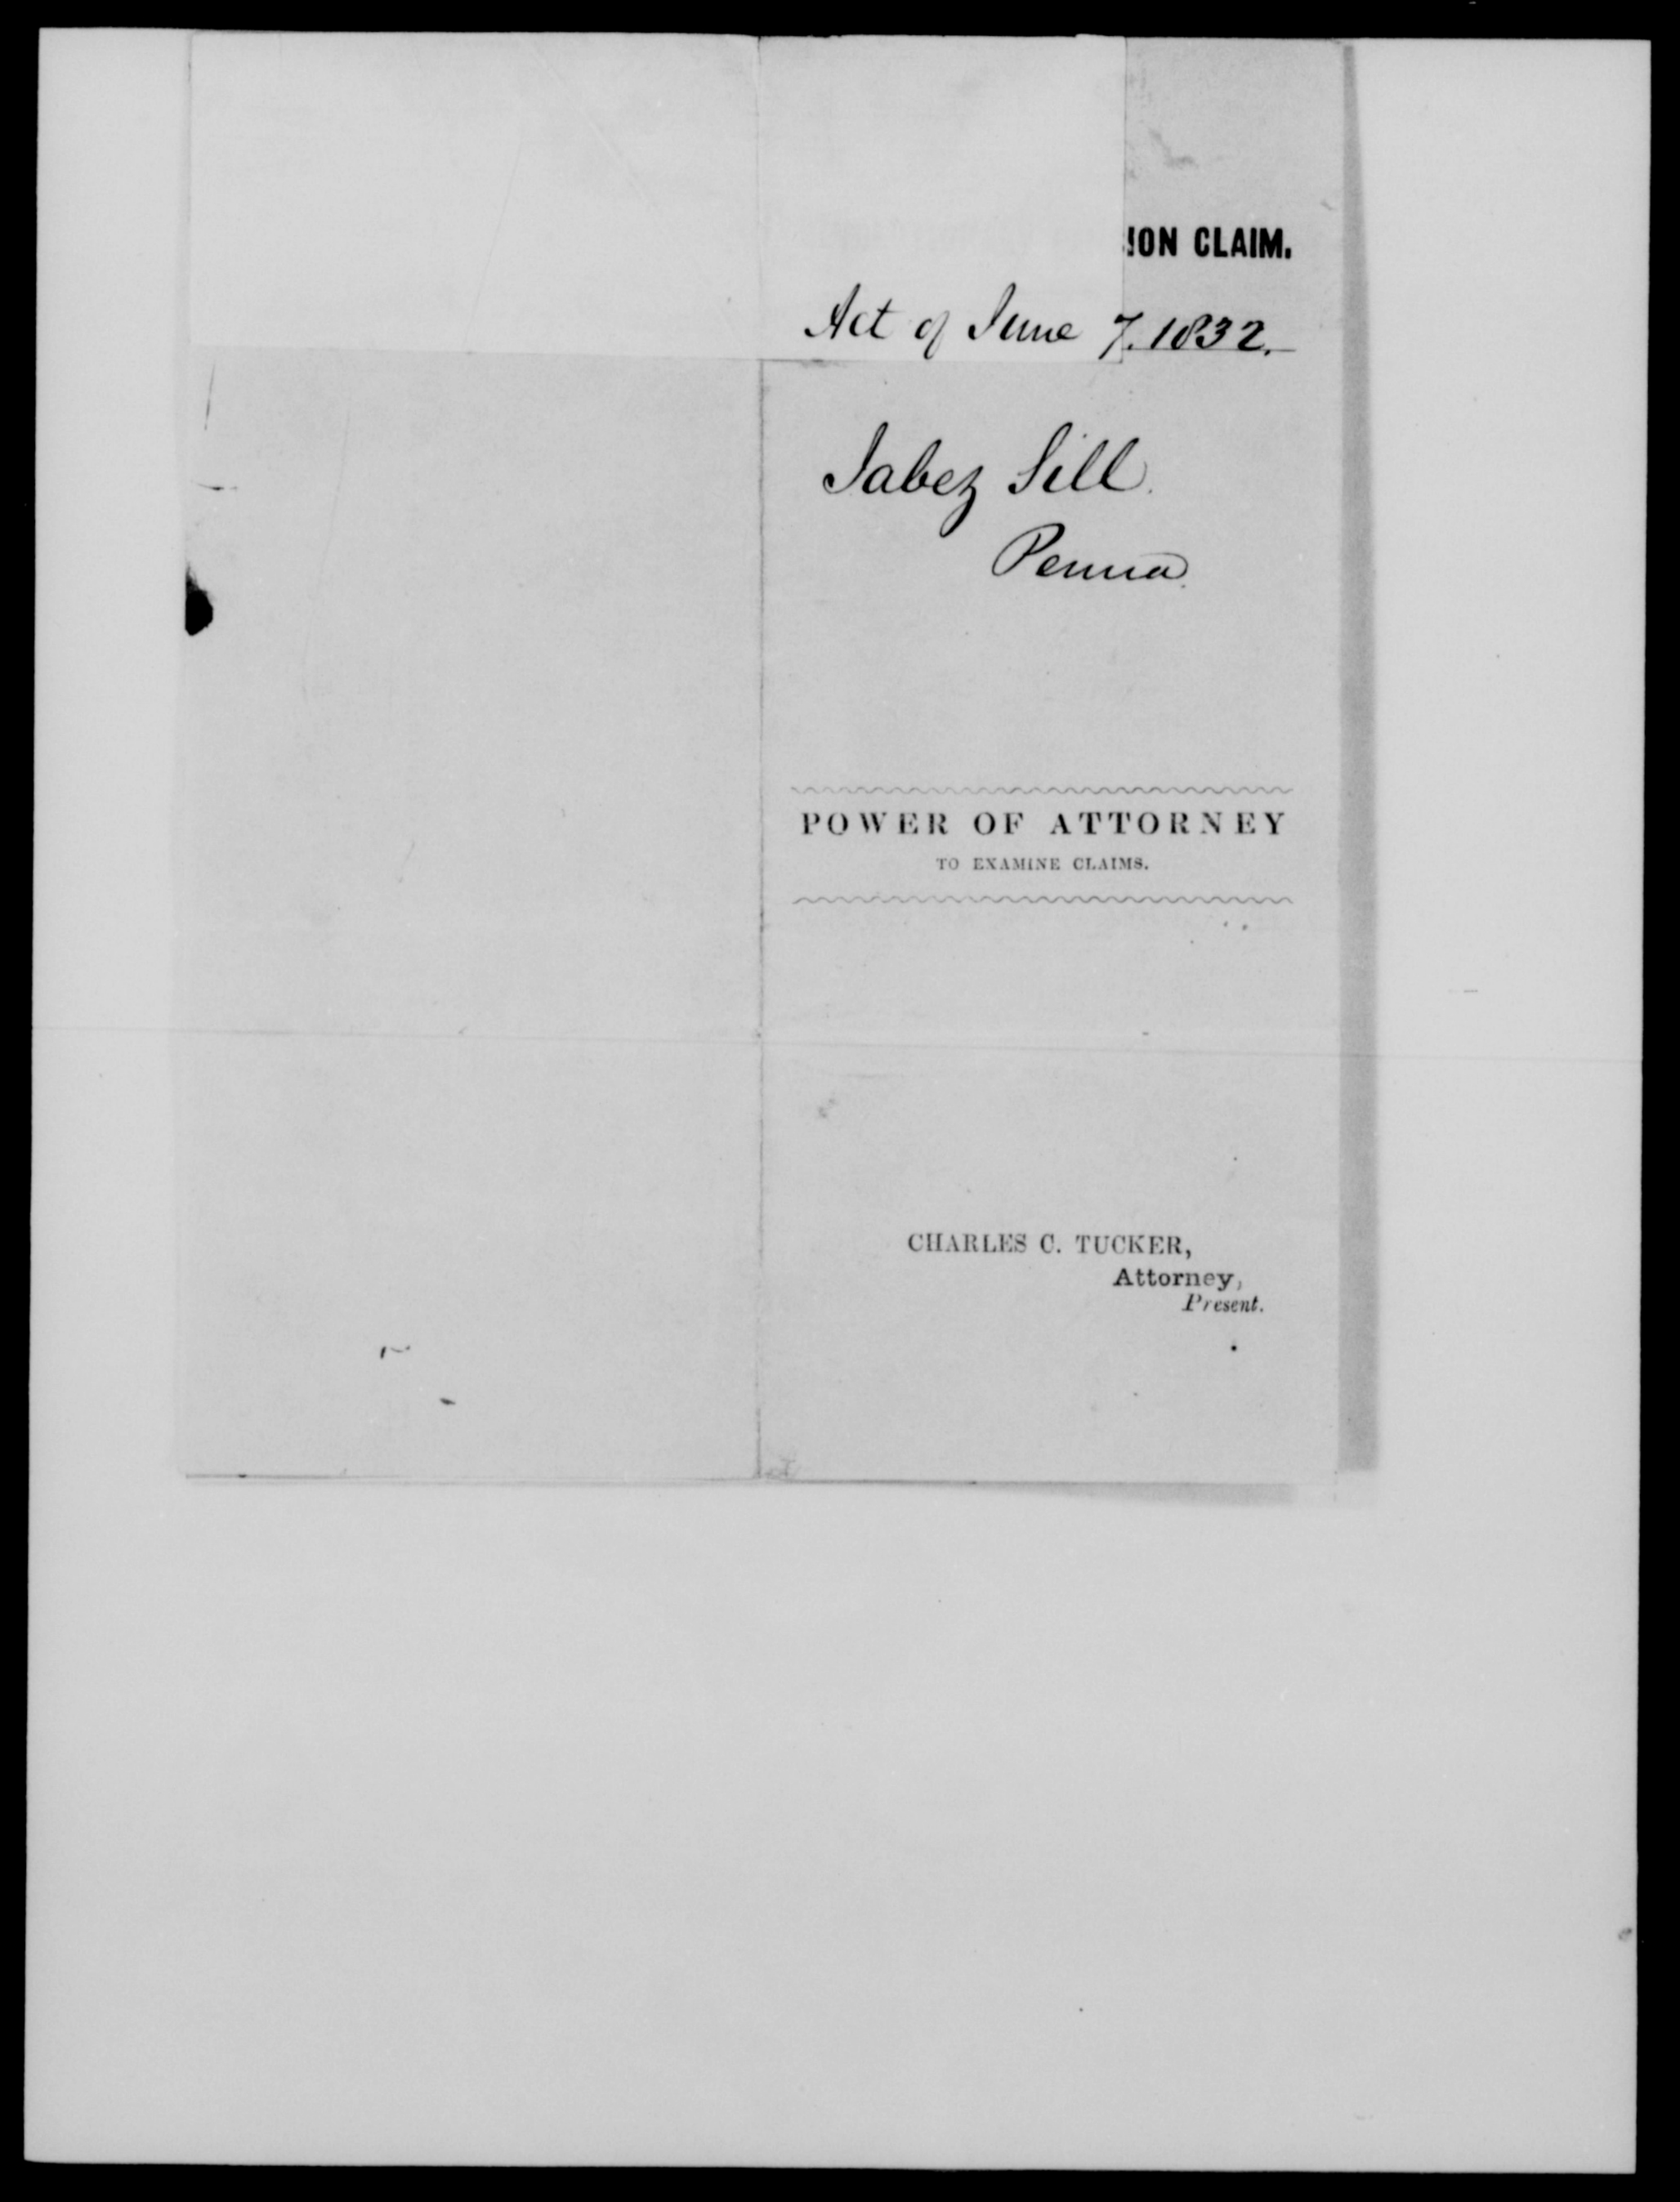ION CLAIM

             Act of June 7, 1832.
             Jabez  Sill
                    Penna.


                POWER OF ATTORNEY
                  TO EXAMINE CLAIM.


            CHARLES C. TUCKER.
                              Attorney, 
                                   Present.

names: Charles C Tucker; Jabez Sill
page: 10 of 29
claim: rejected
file: R. 9570, for Jabez Sill, Connecticut